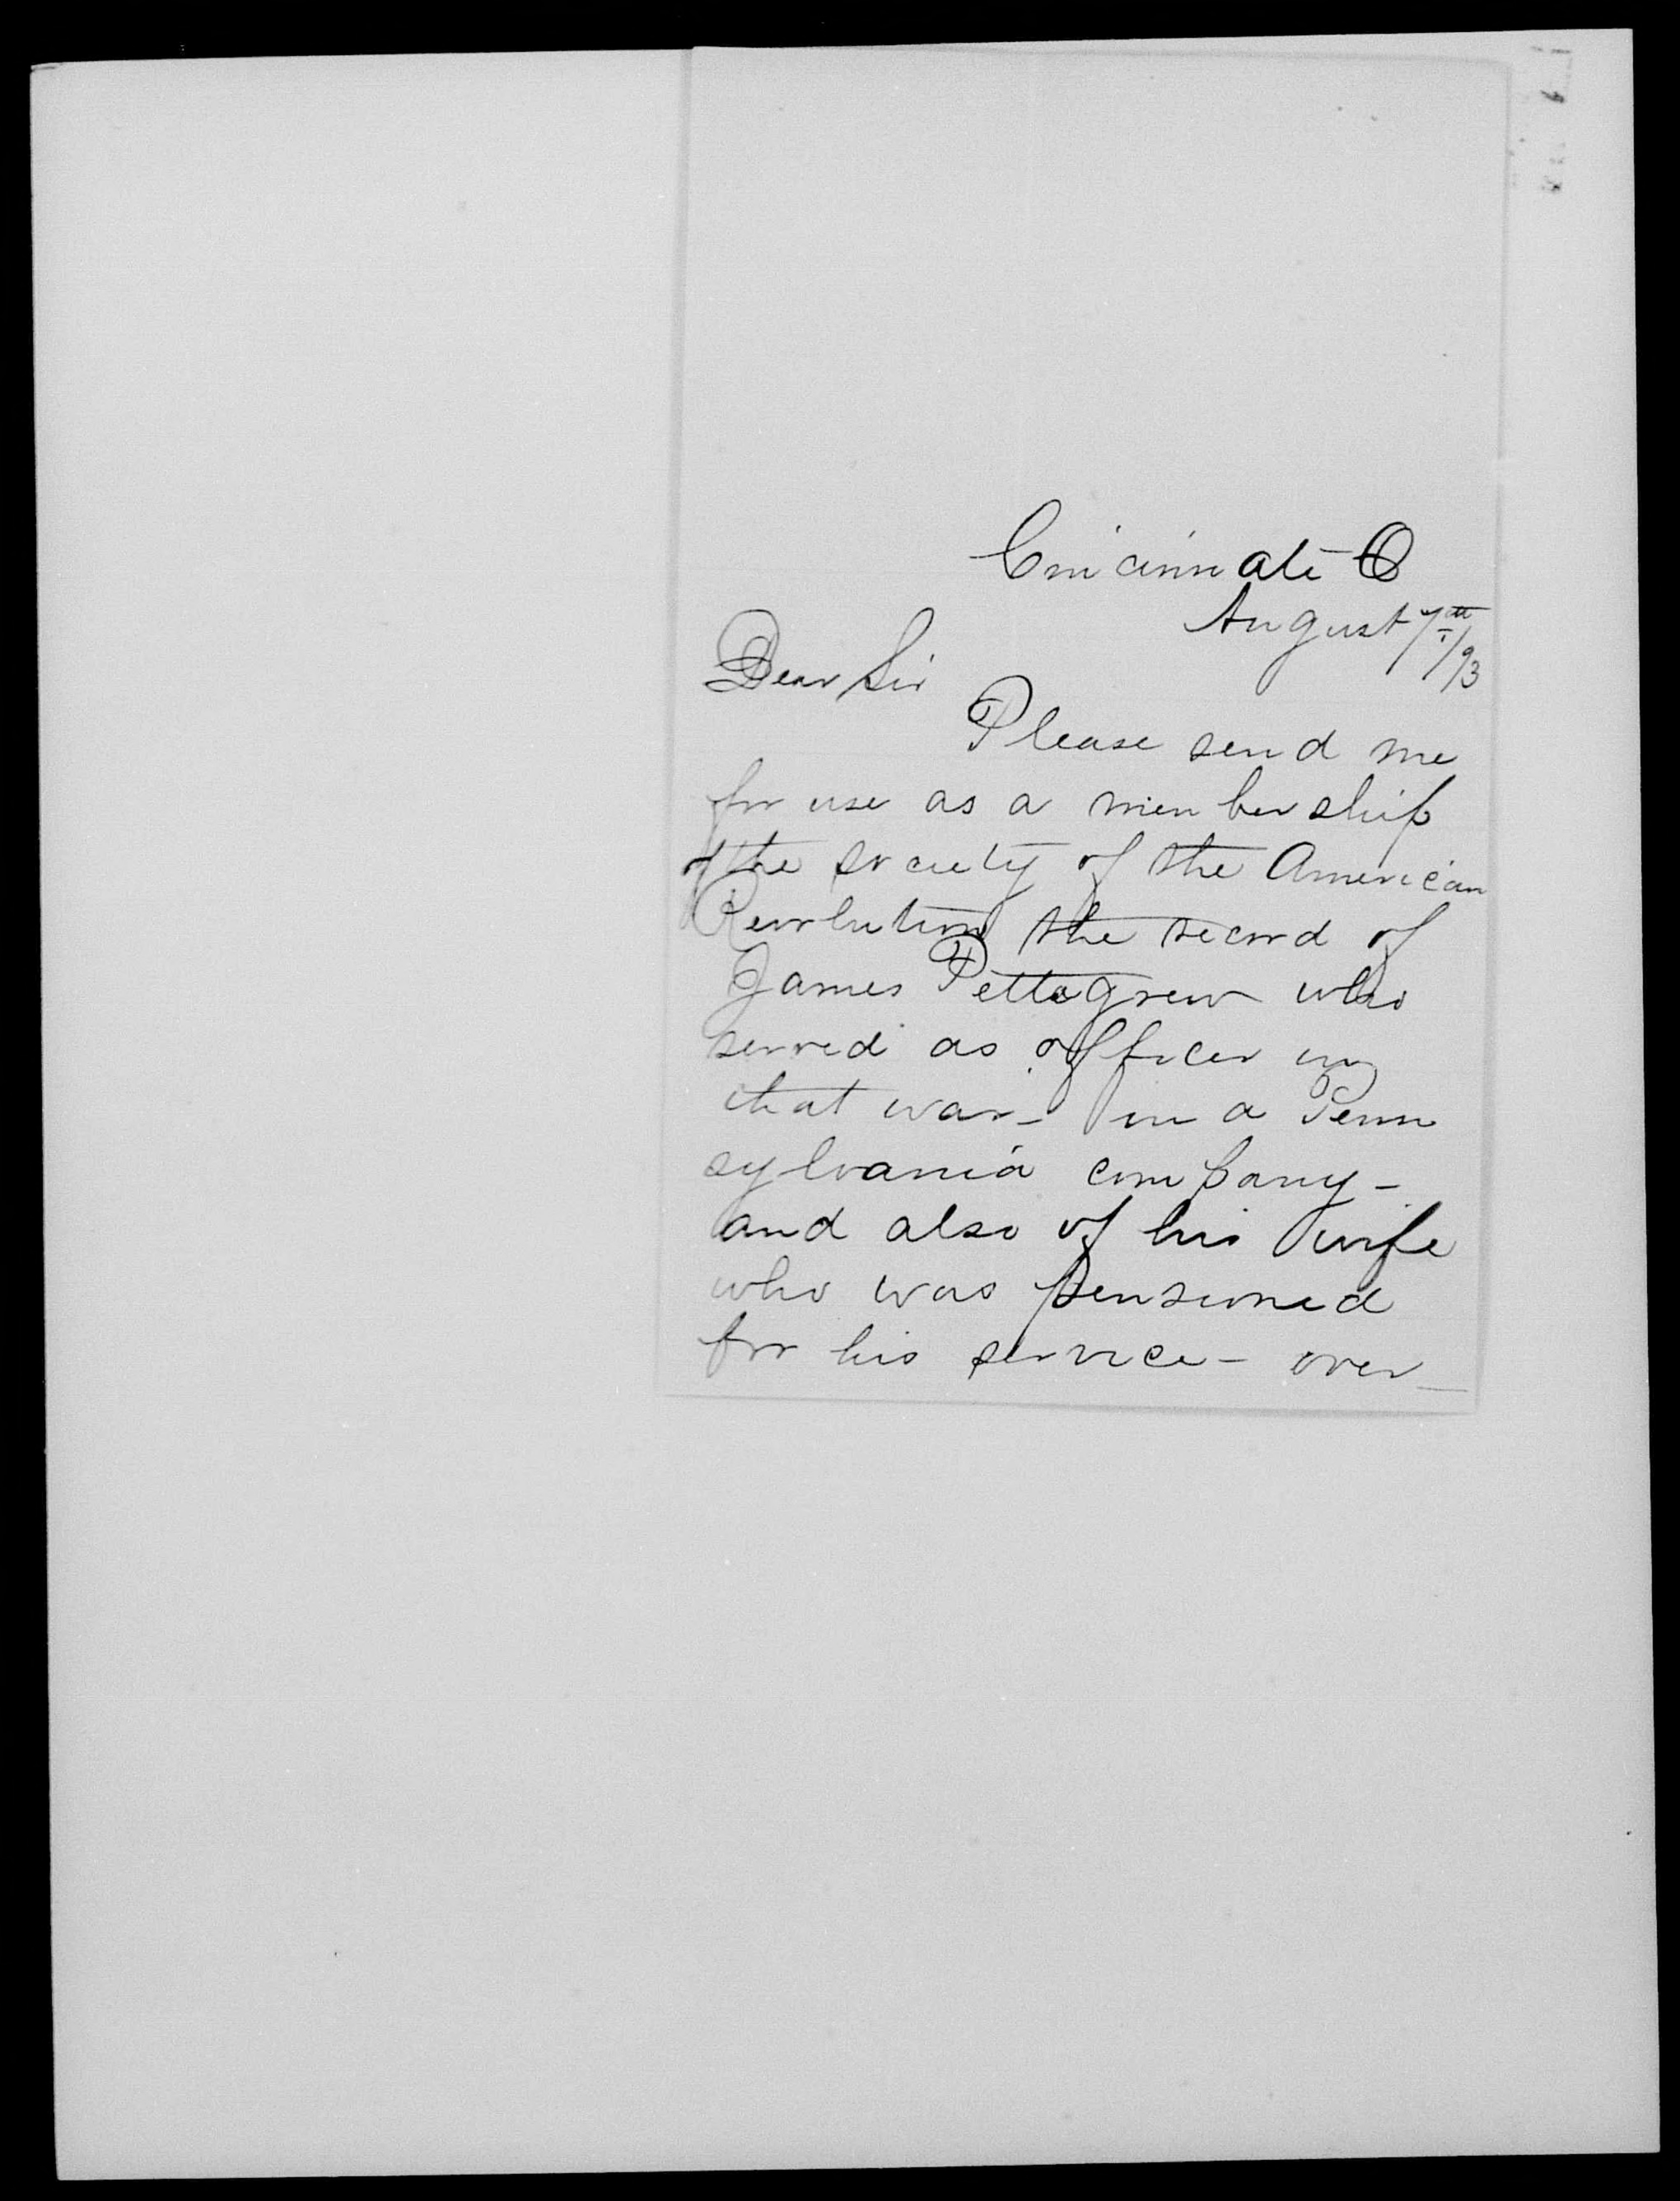Cincinnati O
August 7th / 93

Dear Sir

Please send me
for use as a membership
of the society of the American
Revolution the record of
James Pettegrew who
served as officer in
that war -  in a Penn
sylvania company -
and also of his wife
who was pensioned
for his service -over __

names: James Pettegrew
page: 85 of 92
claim: widow's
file: W. 5522, for James Pettigrew, South Carolina